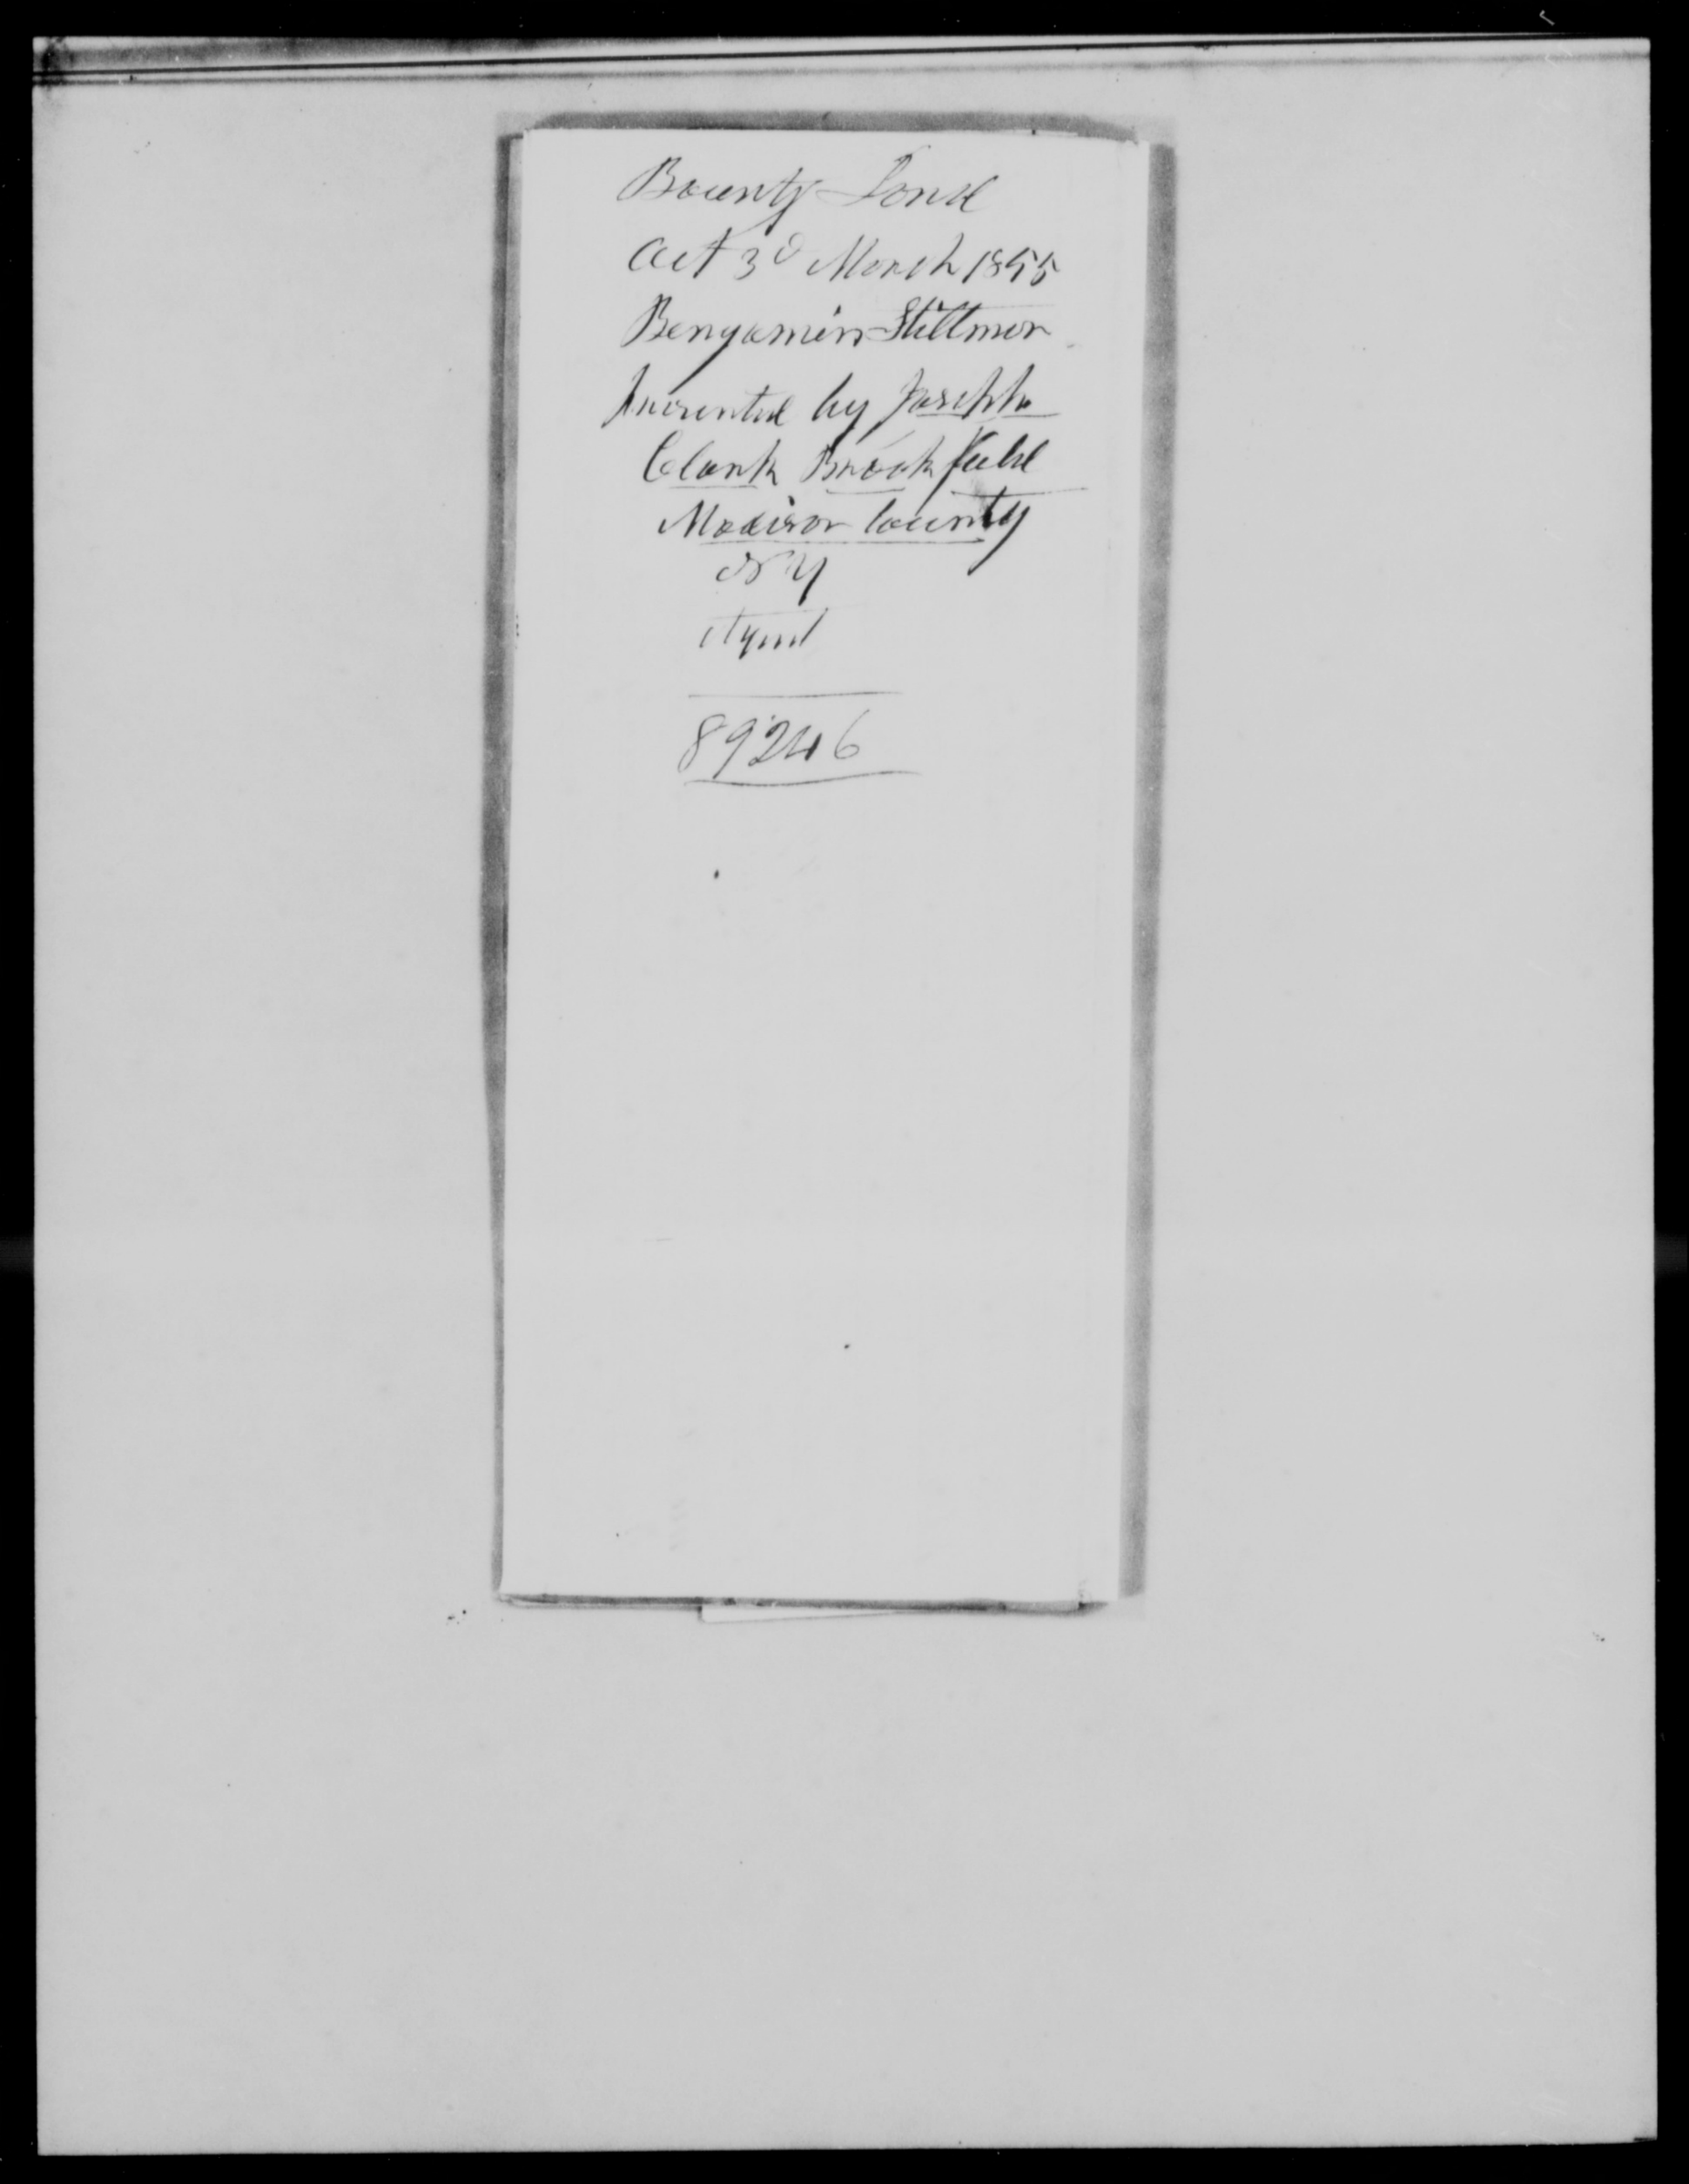Bounty Land
Act 3d March 1855
Benjamin Stillman
presented by Joseph
Clark Brookfield
Madison County
NY
Agent

89246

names: Joseph Clark; Benjamin Stillmon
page: 3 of 29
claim: bounty land warrant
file: B.L.Wt.47987-160-55, for Benjamin Stillman, Rhode Island